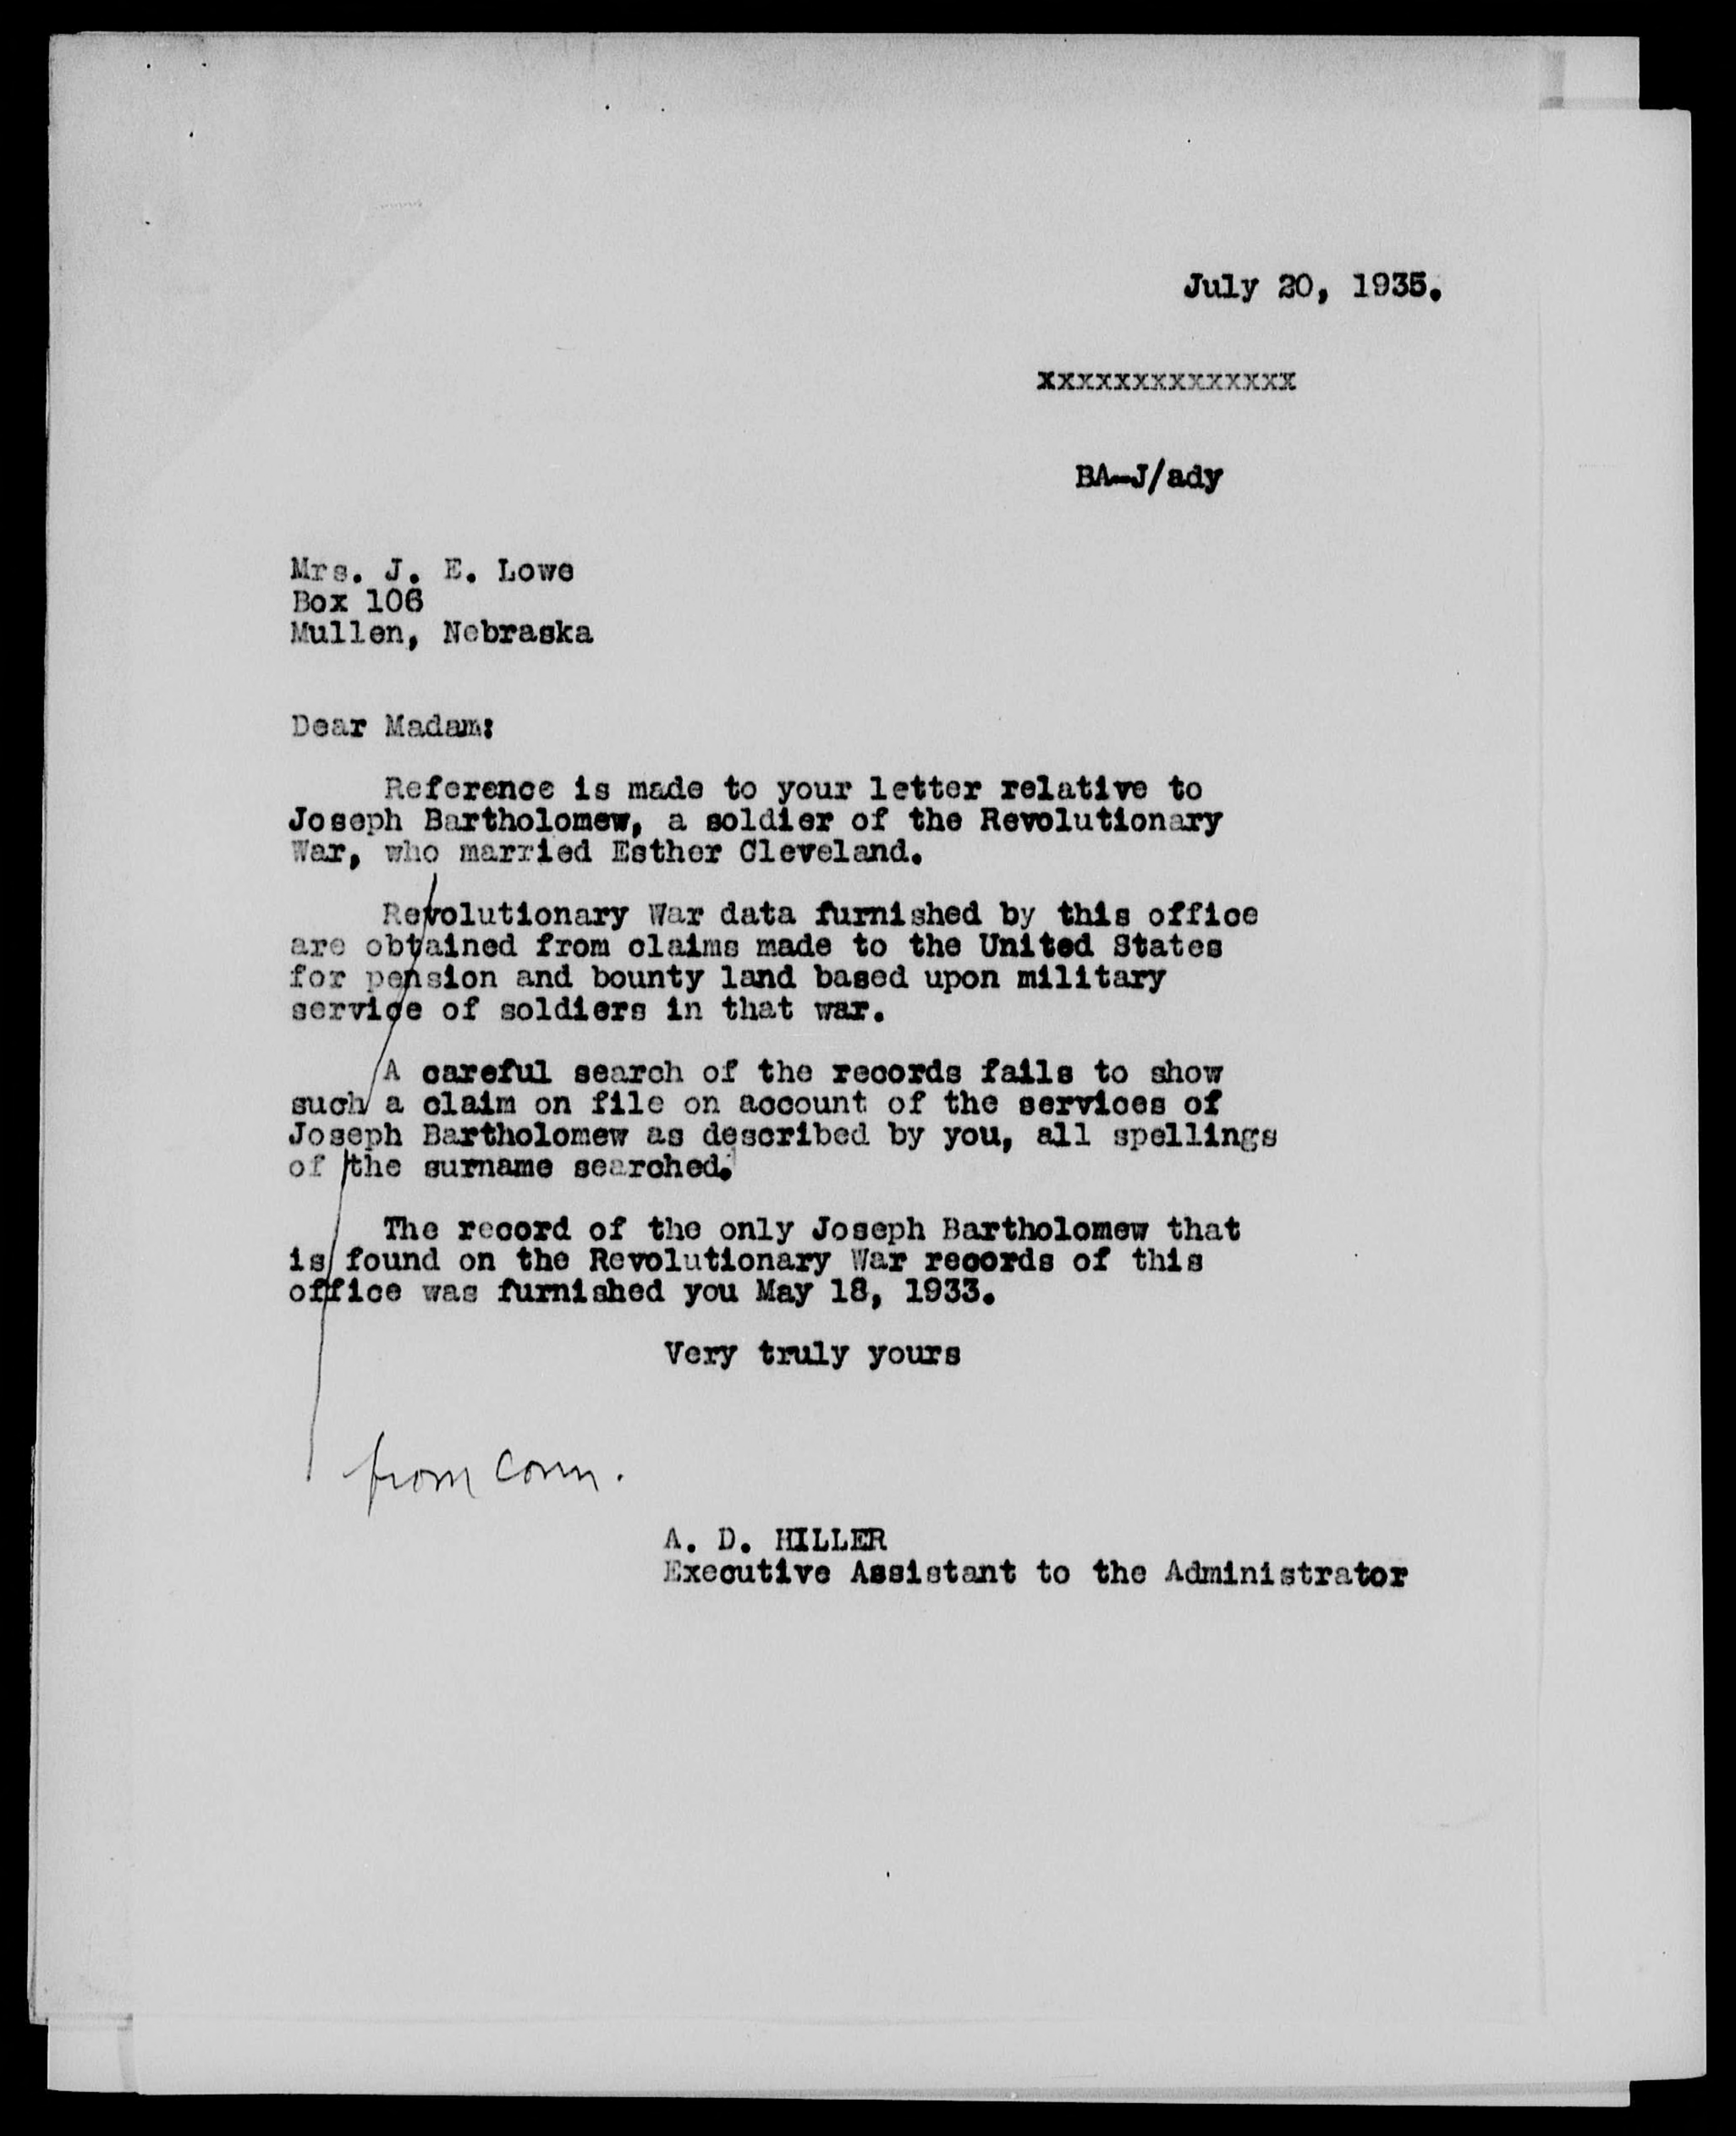July 20, 1935.
XXXXXXXXXXXXXX
BA-J/ady
Mrs. J. E. Lowe
Box 106
Mullen, Nebraska
Dear Madam:
Reference is made to your letter relative to
Joseph Bartholomew, a soldier of the Revolutionary War, 
who married Esther Cleveland.
Revolutionary War data furnished by this office
are obtained from claims made to the United States
for pension and bounty land based upon military
service of soldiers in that war.
A careful search of the records fails to show
such a claim on file on account of the services of
Joseph Bartholomew as described by you, all spellings
of the surname searched
The record of the only Joseph Bartholomew that
is found on the Revolutionary War records of this
office was furnished you. May 18, 1933.
from Conn
Very truly yours
A. D. HILLER
Executive Assistant to the Administrator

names: Joseph Bartholomew, J E Lowe, Joseph Bartholomew, A D Hiller, Joseph Bartholomew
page: 69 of 76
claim: widow's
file: W. 9345, Joseph Bartholomew, Conn.